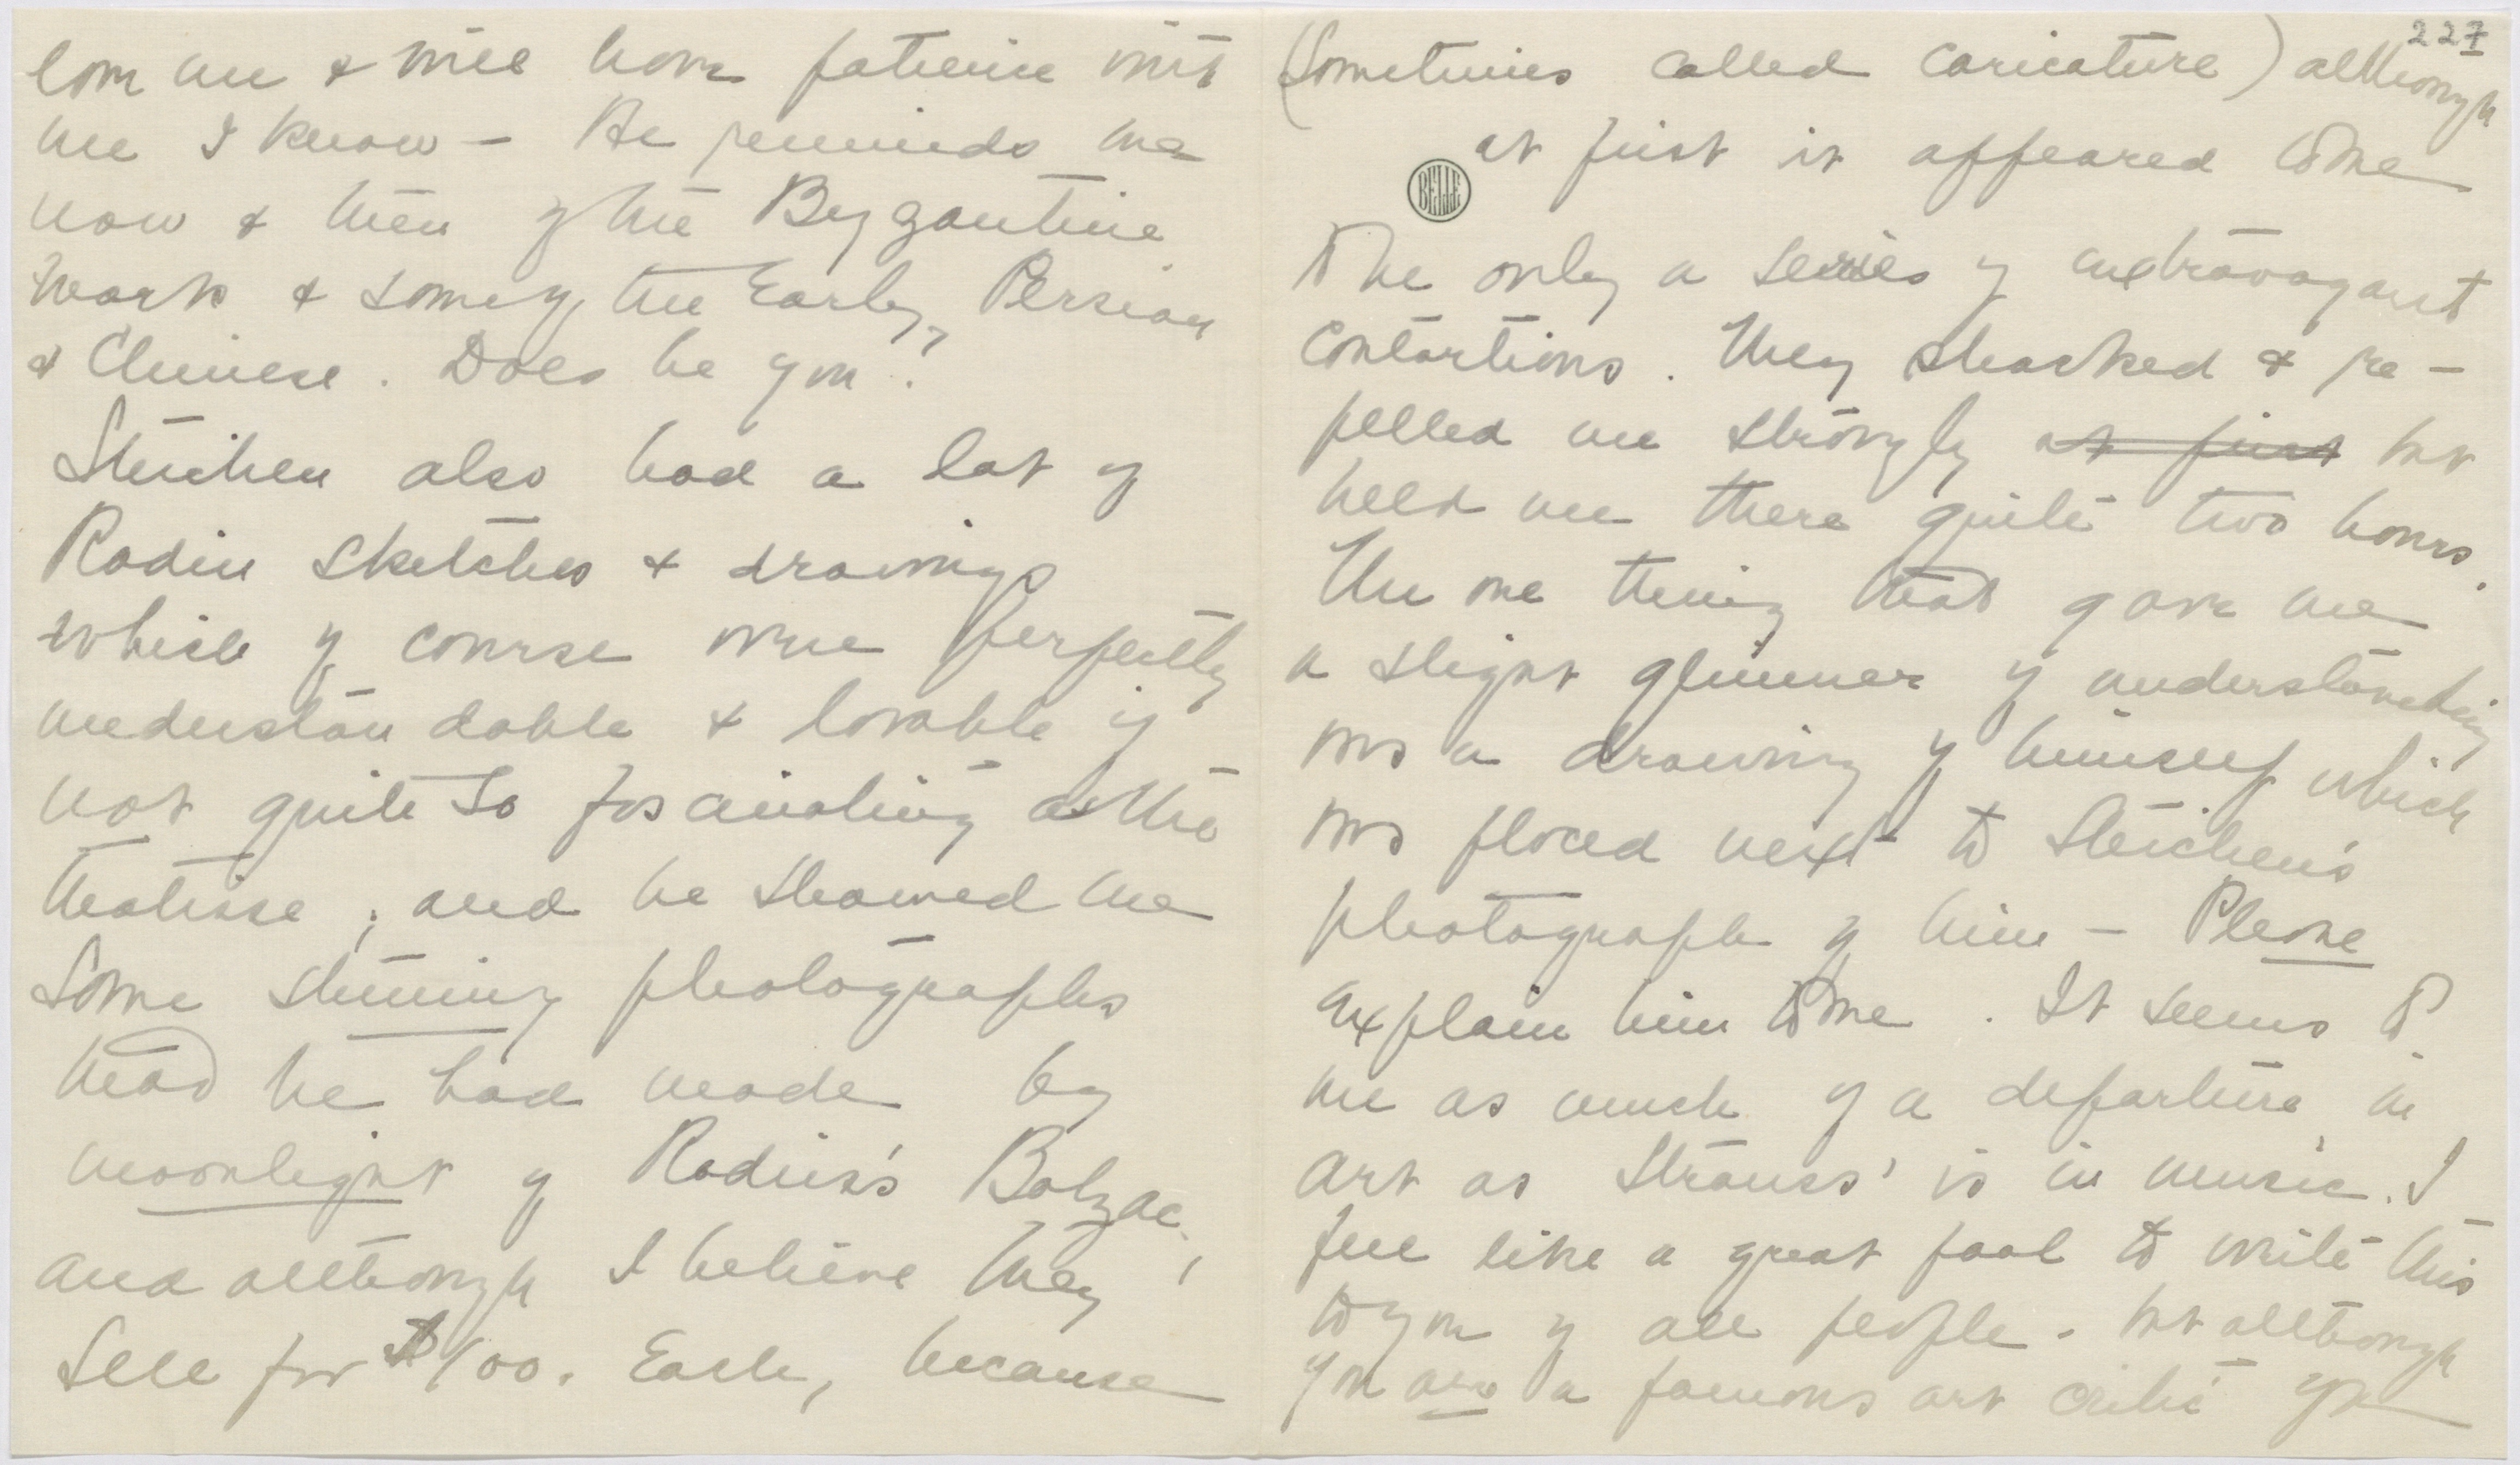(sometimes called caricature) although at first it appeared to me to be only a series of extravagant contortions. They shocked & repelled me strongly at first but held me there quite two hours. The one thing that gave me a slight glimmer of understanding was a drawing of himself which was placed next to Steichen’s photograph of him – Please explain him to me. It seems to me as much of a departure in art as Strauss’ is in music. I feel like a great fool to write this to you of all people – but although you are a famous art critic you
love me & will have patience with me I know – He reminds me now & then of the Byzantine work & some of the Early Persian & Chinese. Does he you?
Steichen also had a lot of Rodin sketches & drawings which of course were perfectly understandable & lovable if not quite so fascinating as the Matisse; and he showed me some stunning photographs that he had made by moonlight of Rodin’s Balzac, and although I believe they sell for $100. each, because